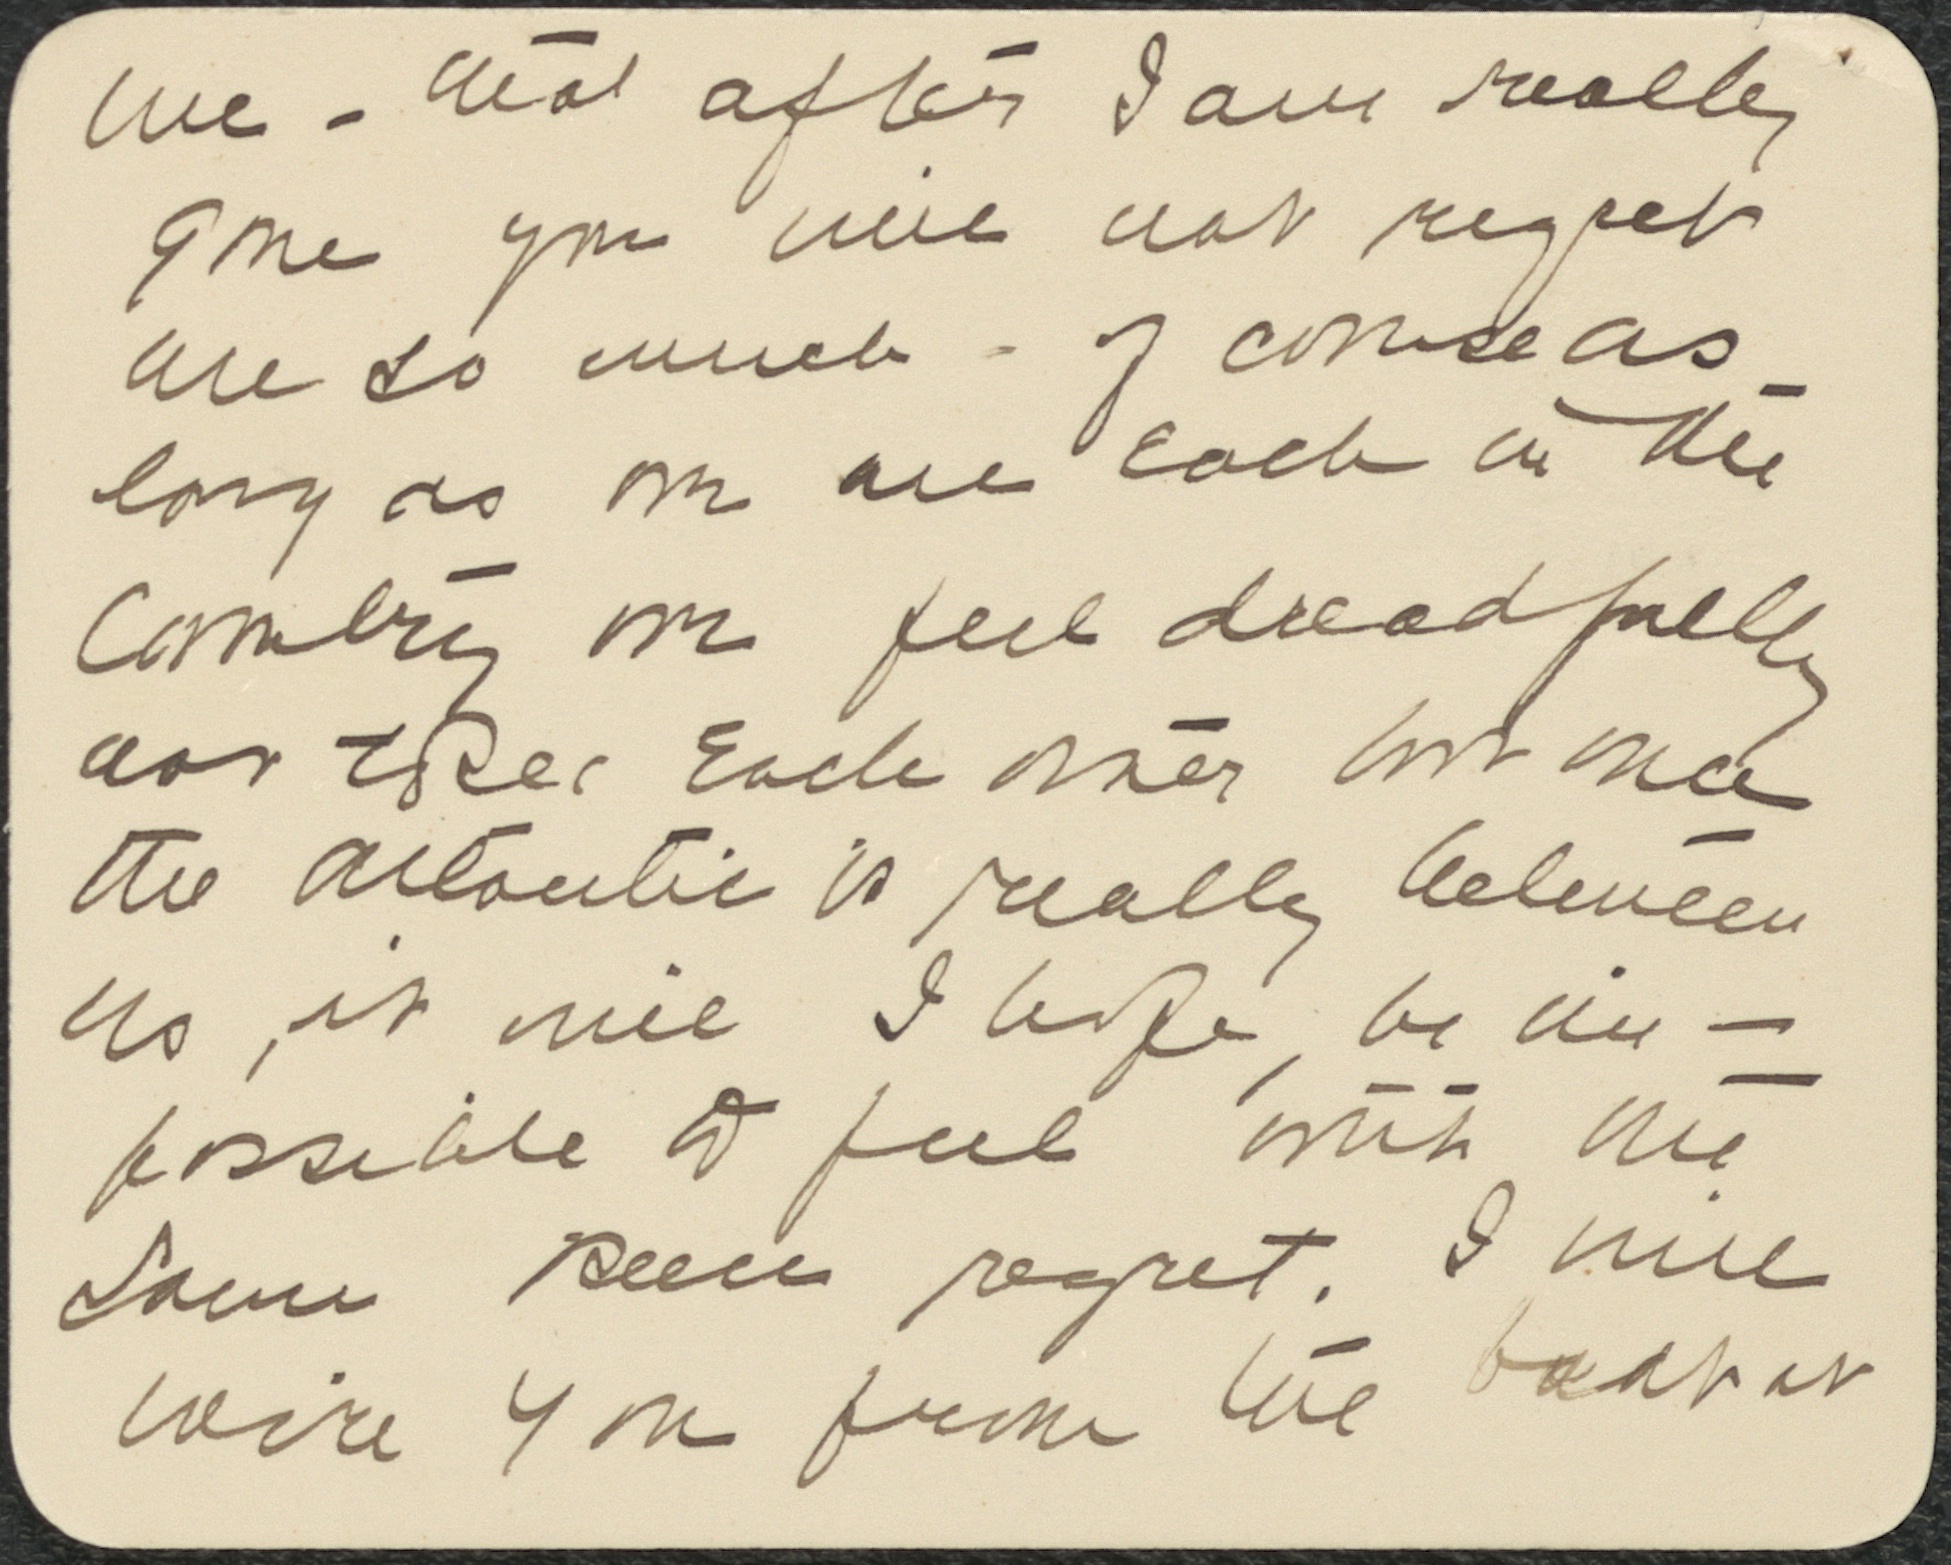me – that after I am really gone you will not regret me so much – of course as long as we are each in the country we feel dreadfully not to see each other but once the Atlantic is really between us, it will I hope, be impossible to feel with the same keen regret. I will wire you from the boat at